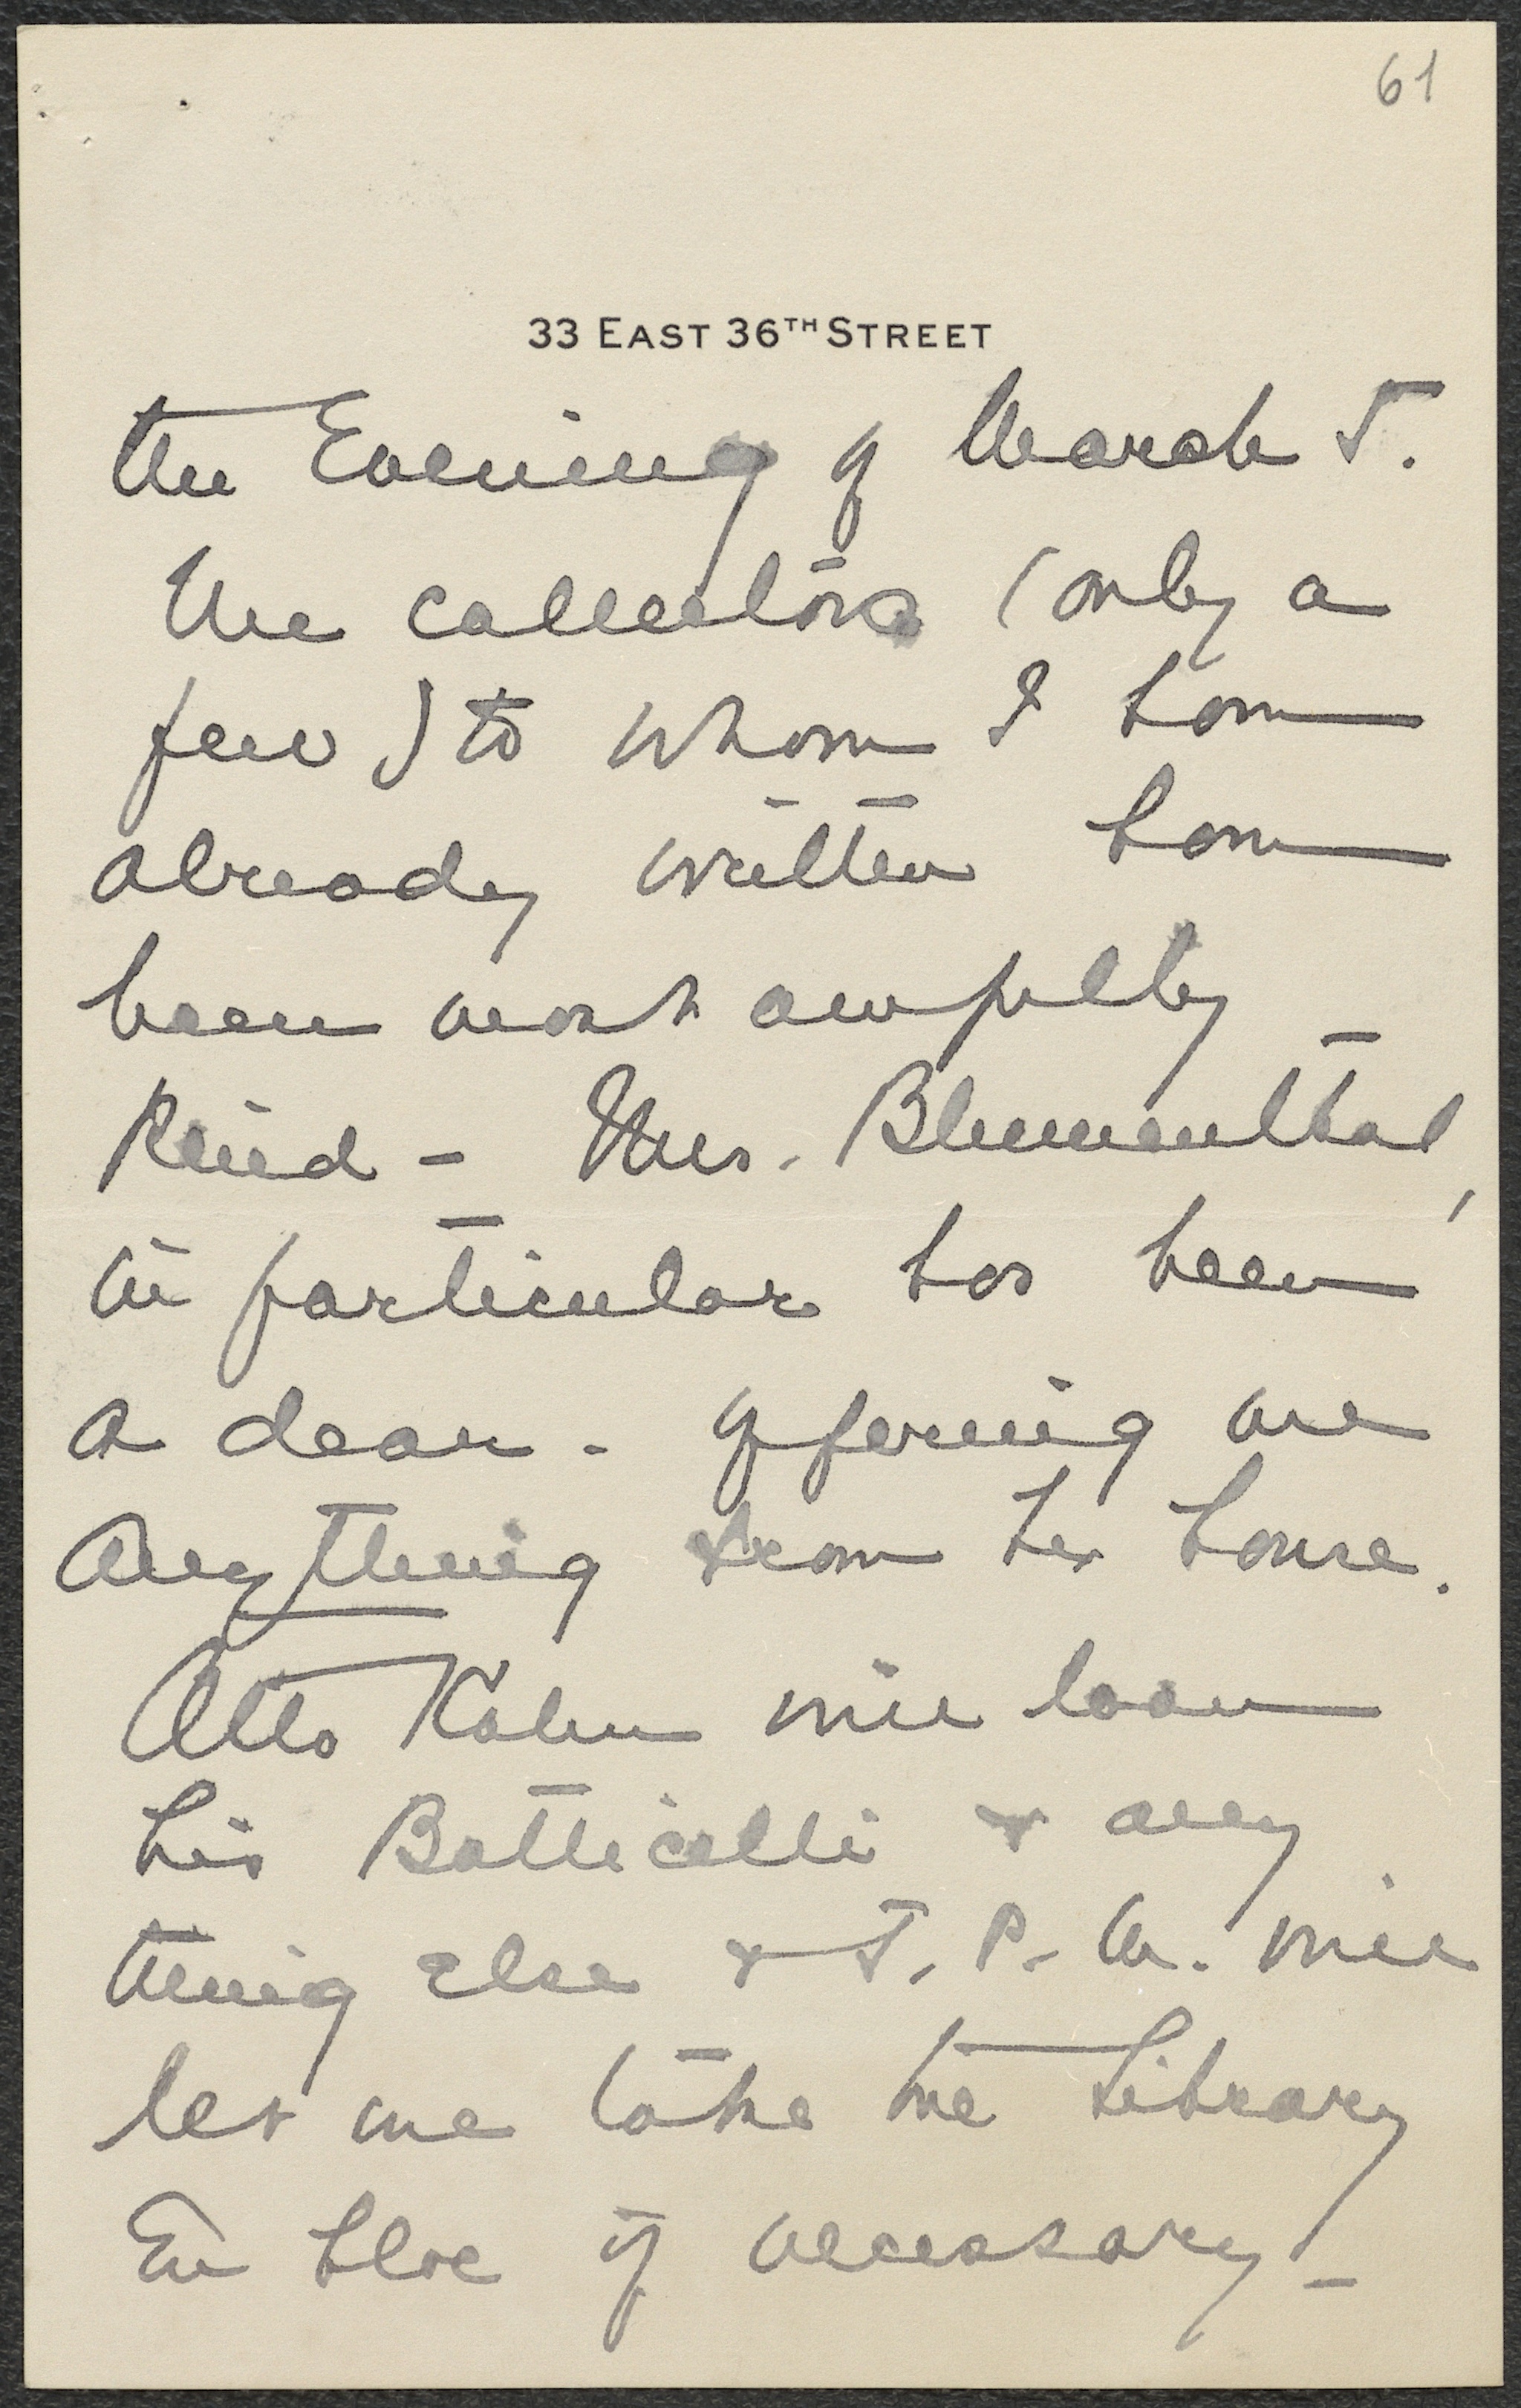the evening of March 5.
The collectors (only a few) to whom I have already written have been most awfully kind – Mrs. Blumenthal, in particular has been a dear, offering me anything from her house.
Otto Kahn will loan his Botticelli & anything else & J.P.M. will let me take the Library en bloc if necessary –